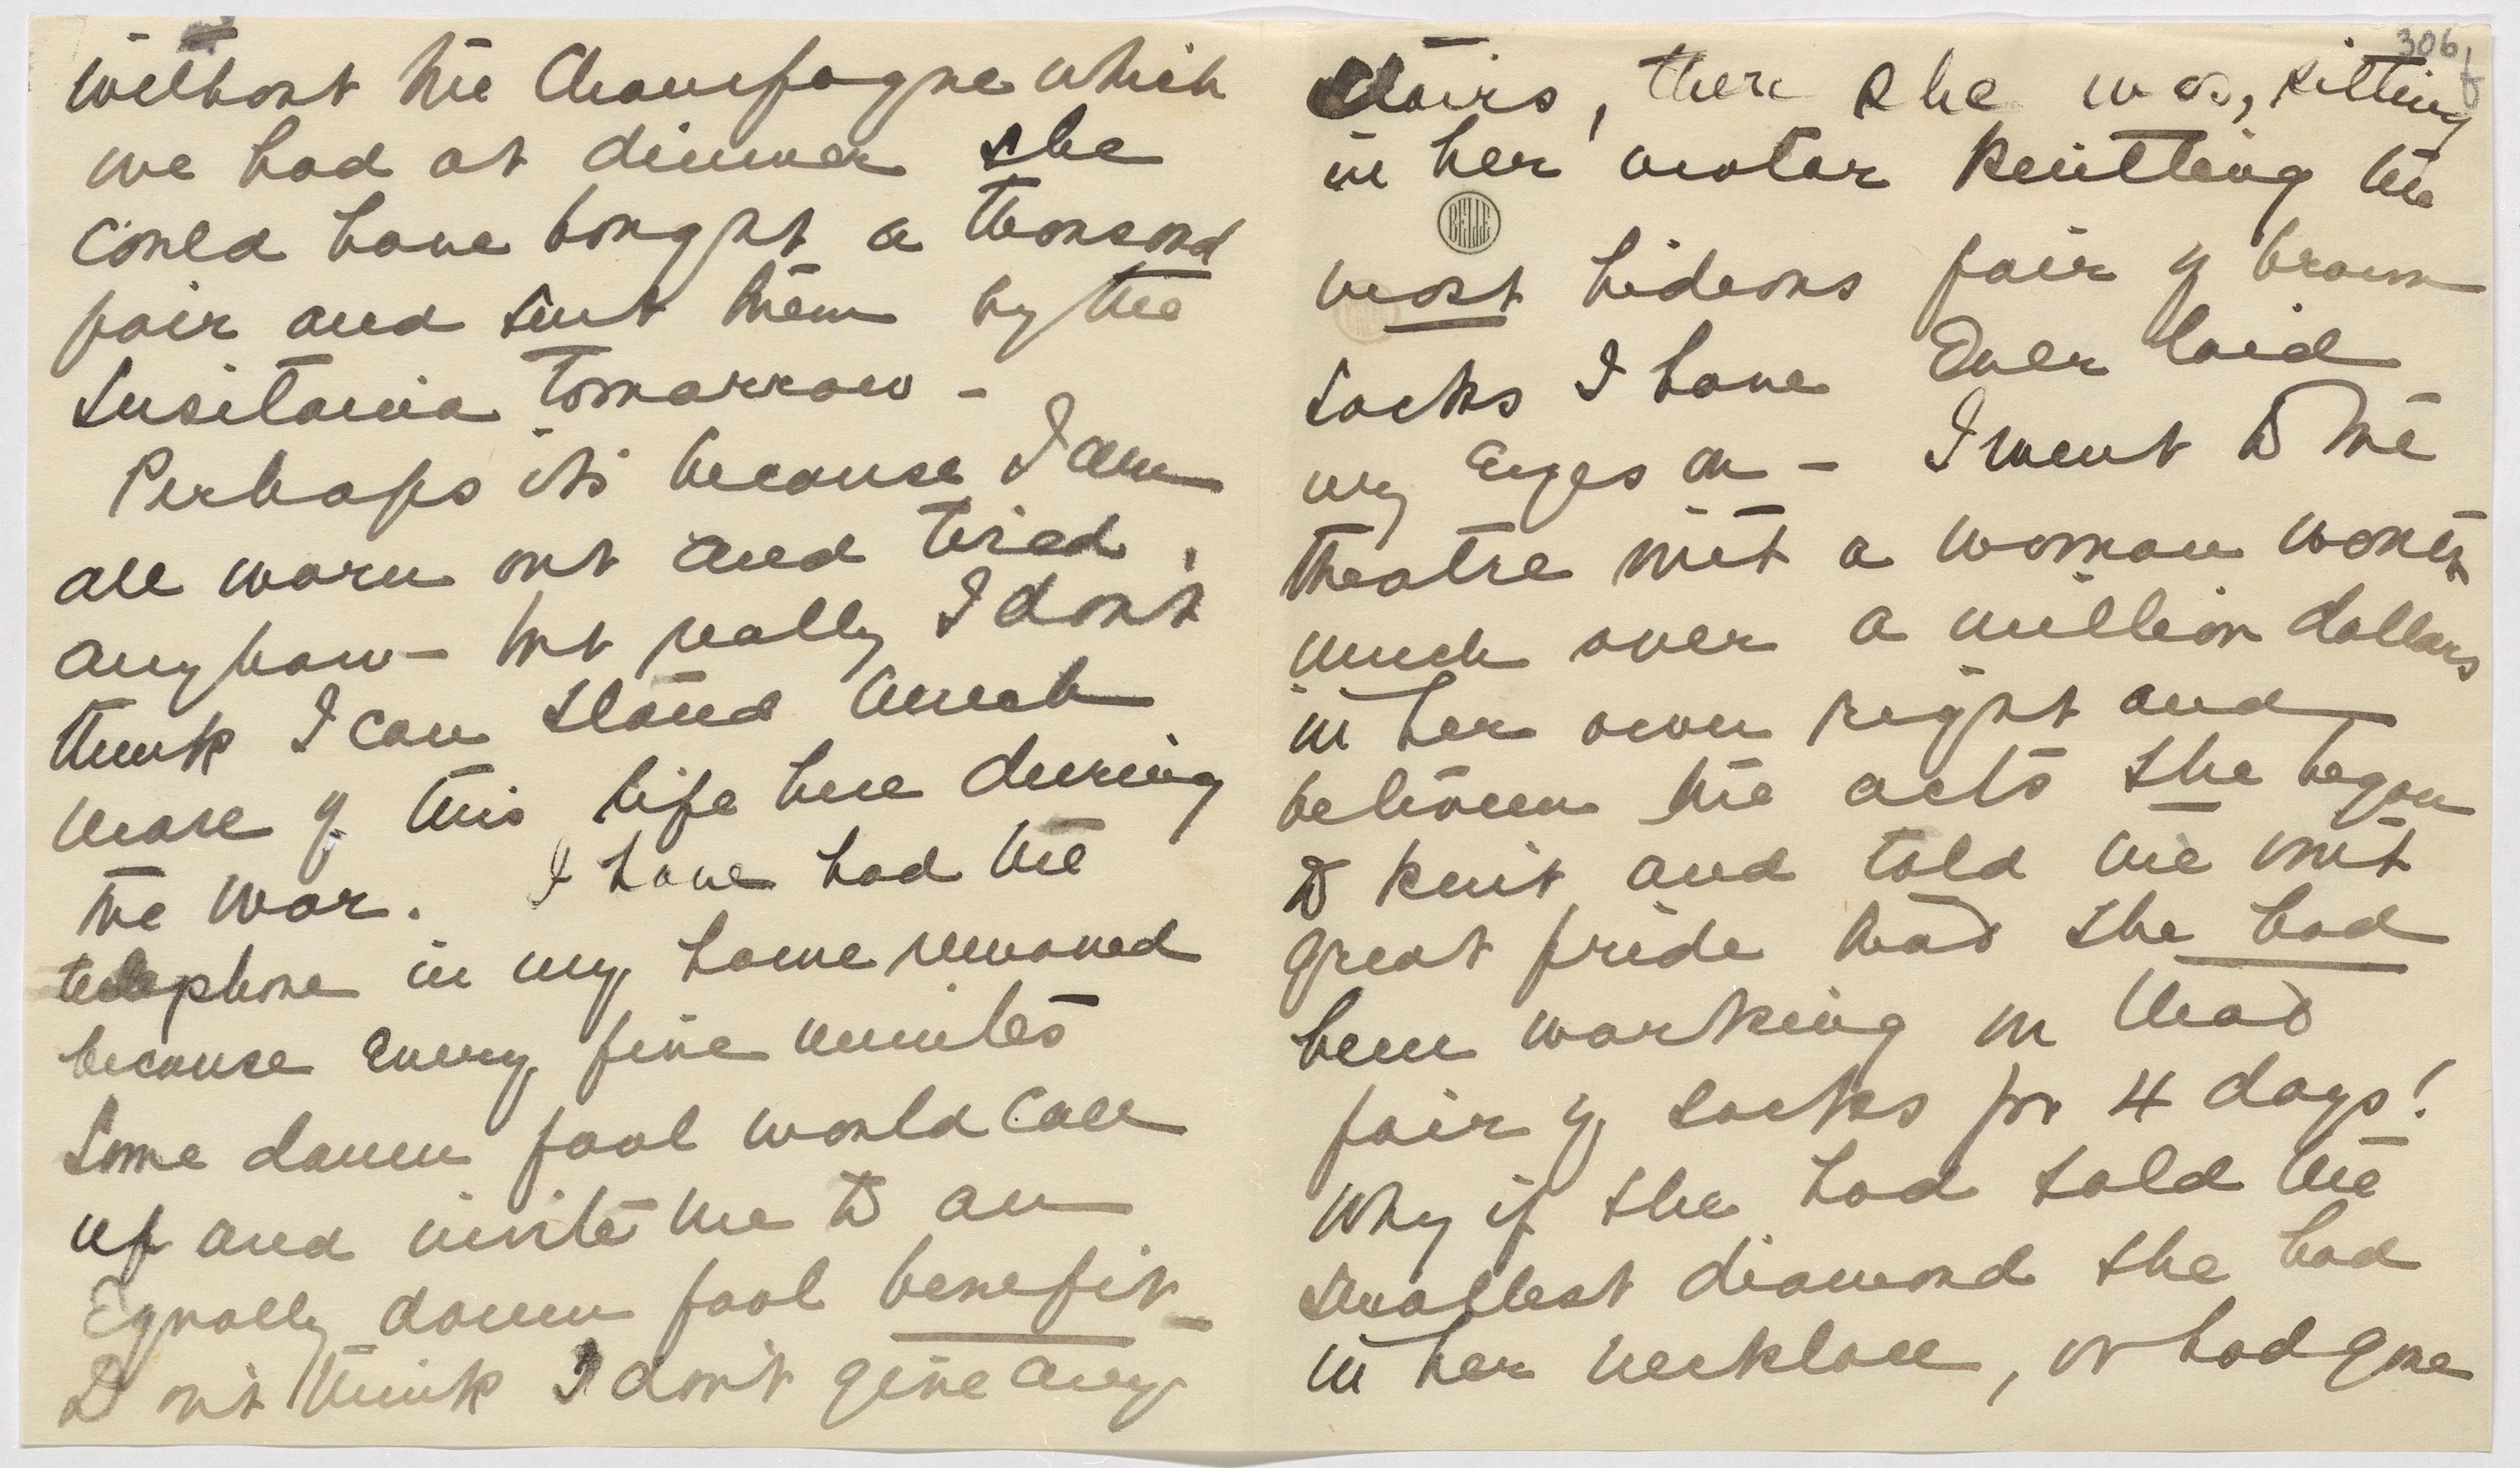stairs, there she was, sitting in her motor knitting the most hideous pair of brown socks I have ever laid my eyes on – I went to the theatre with a woman worth much over a million dollars in her own right and between the acts she began to knit and told me with great pride that she had been working on that pair of socks for 4 days! Why if she had sold the smallest diamond she had in her necklace, or had gone
without the Champagne which we had at dinner she could have bought a thousand pair and sent them by the Lusitania tomorrow –
Perhaps it’s because I am all worn out and tired anyhow – but really I don’t think I can stand much more of this life here during the War. I have had the telephone in my home removed because every five minutes some damn fool would call up and invite me to an equally damn fool benefit – Don’t think I don’t give any